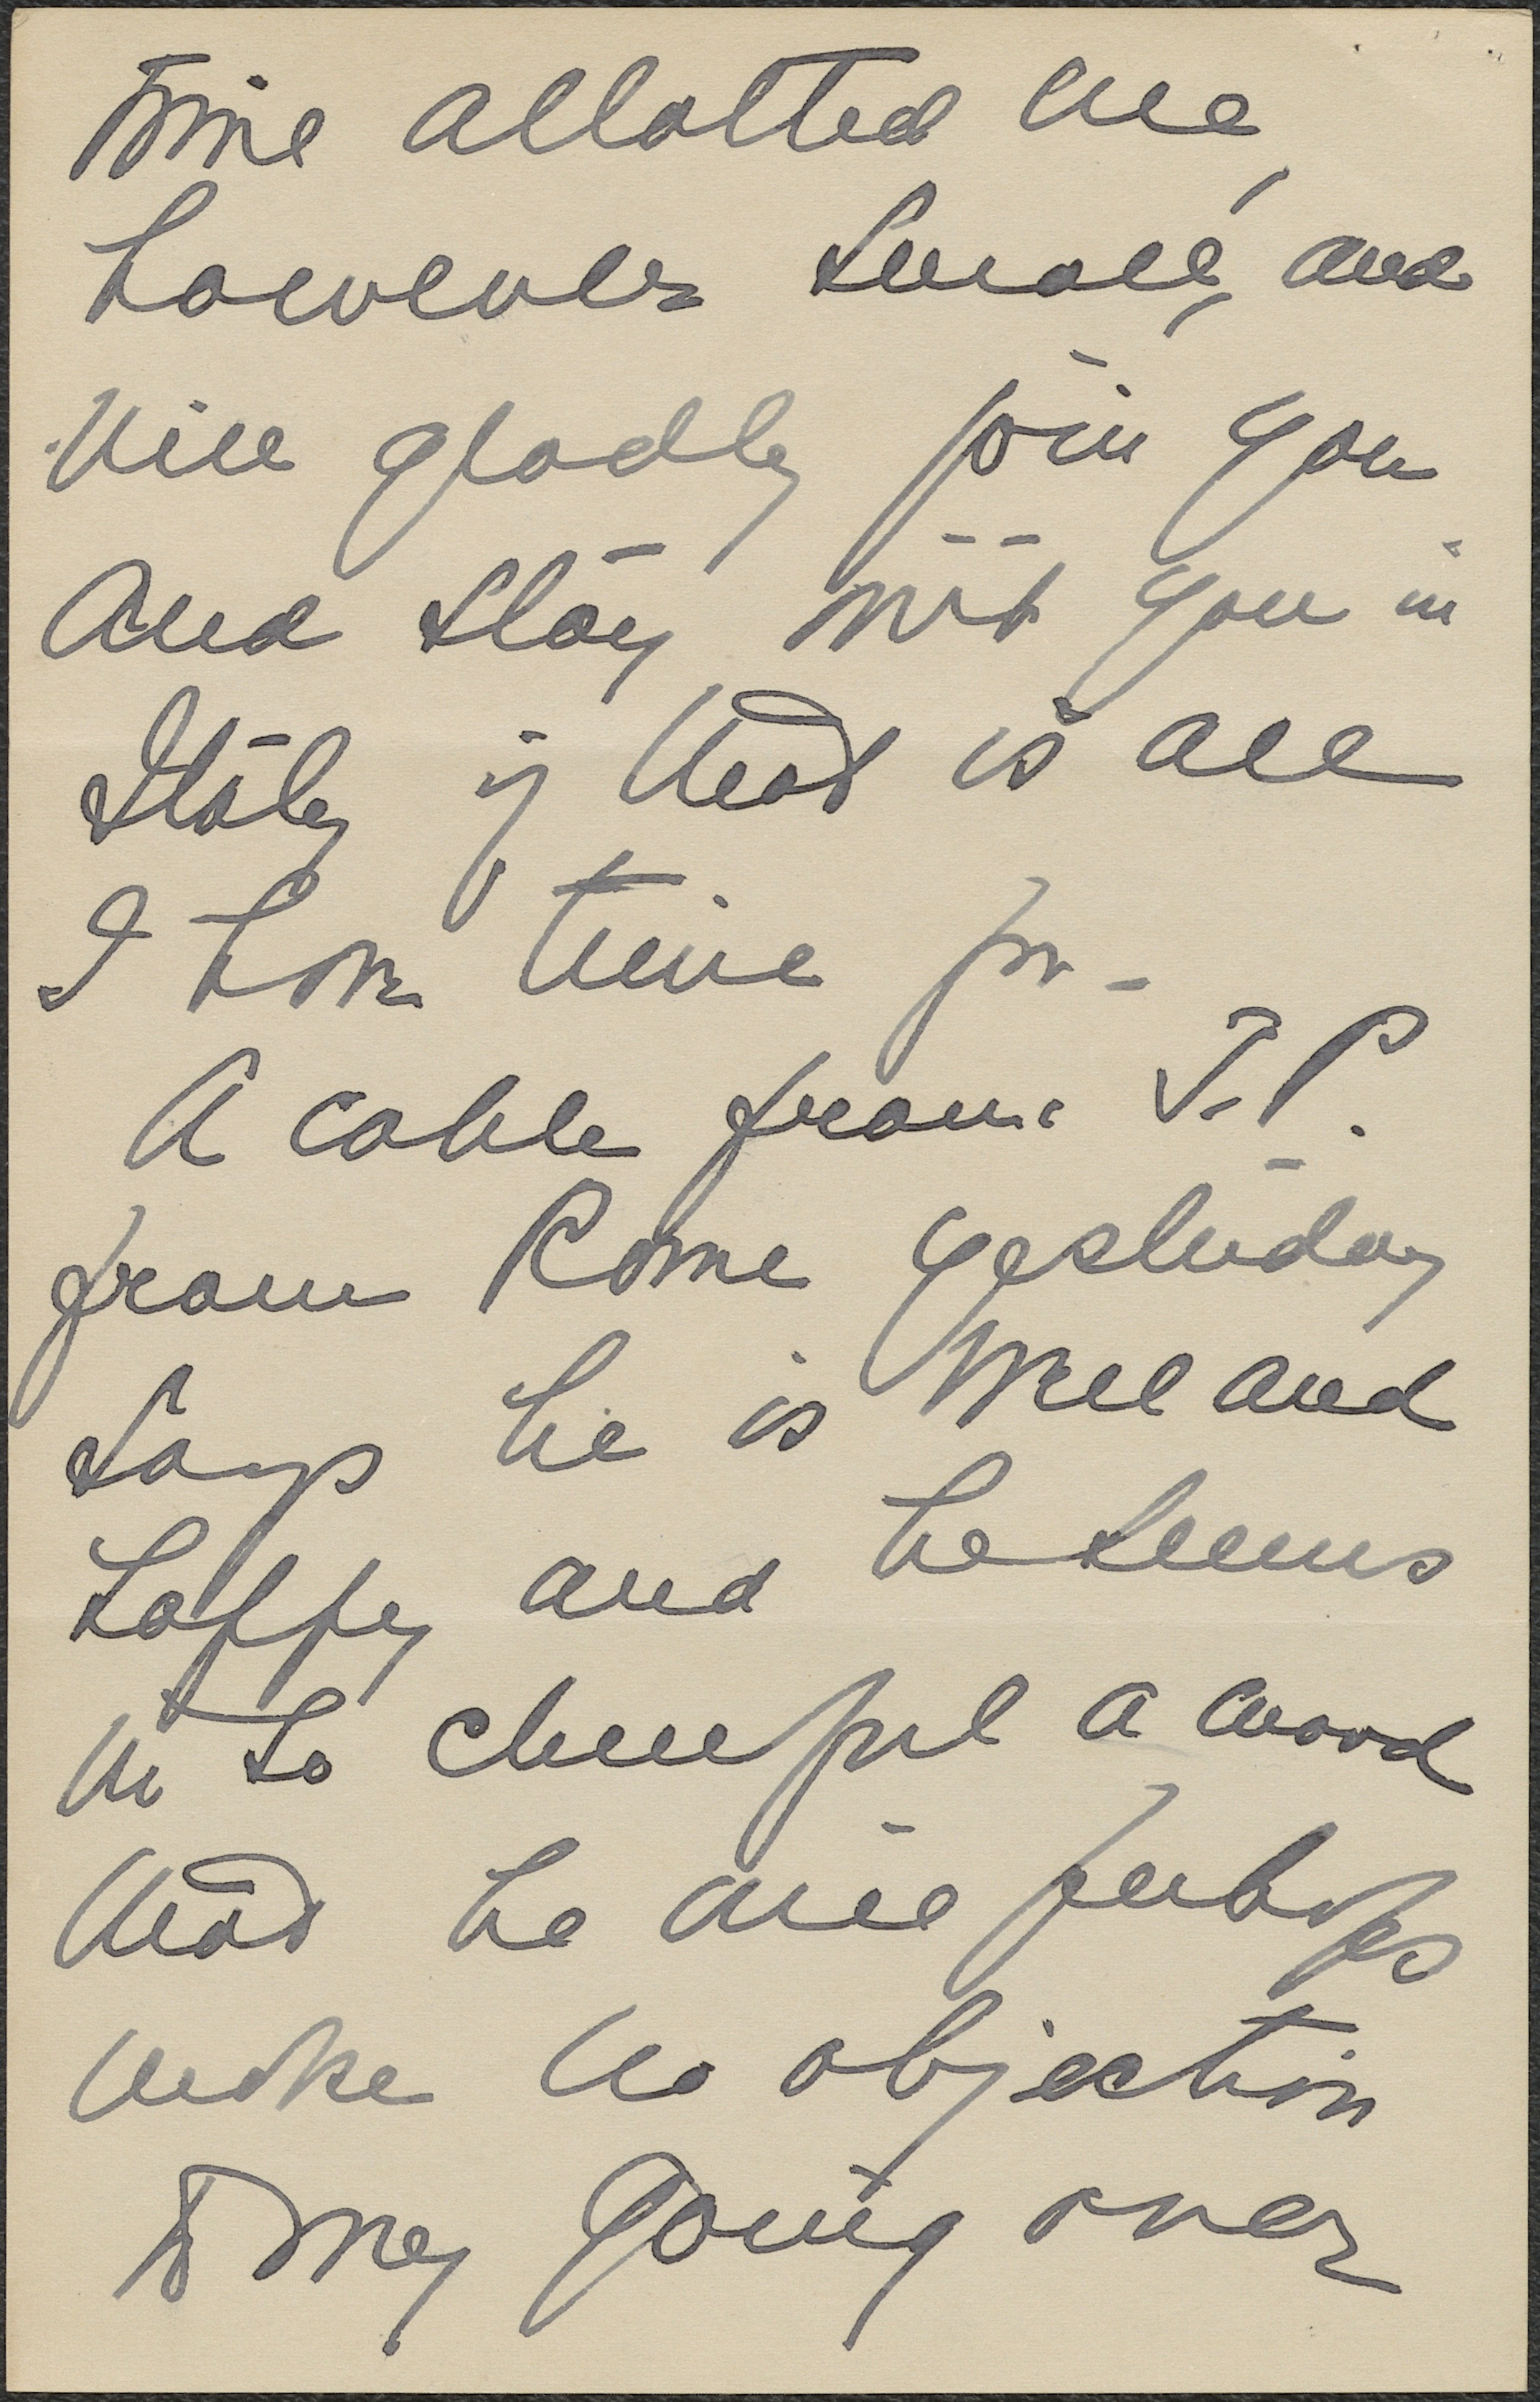time allotted me, however small, and will gladly join you and stay with you in Italy if that is all I have time for –
A cable from J. P. from Rome yesterday says he is well and happy and he seems in so cheerful a mood that he will perhaps make no objection to my going over